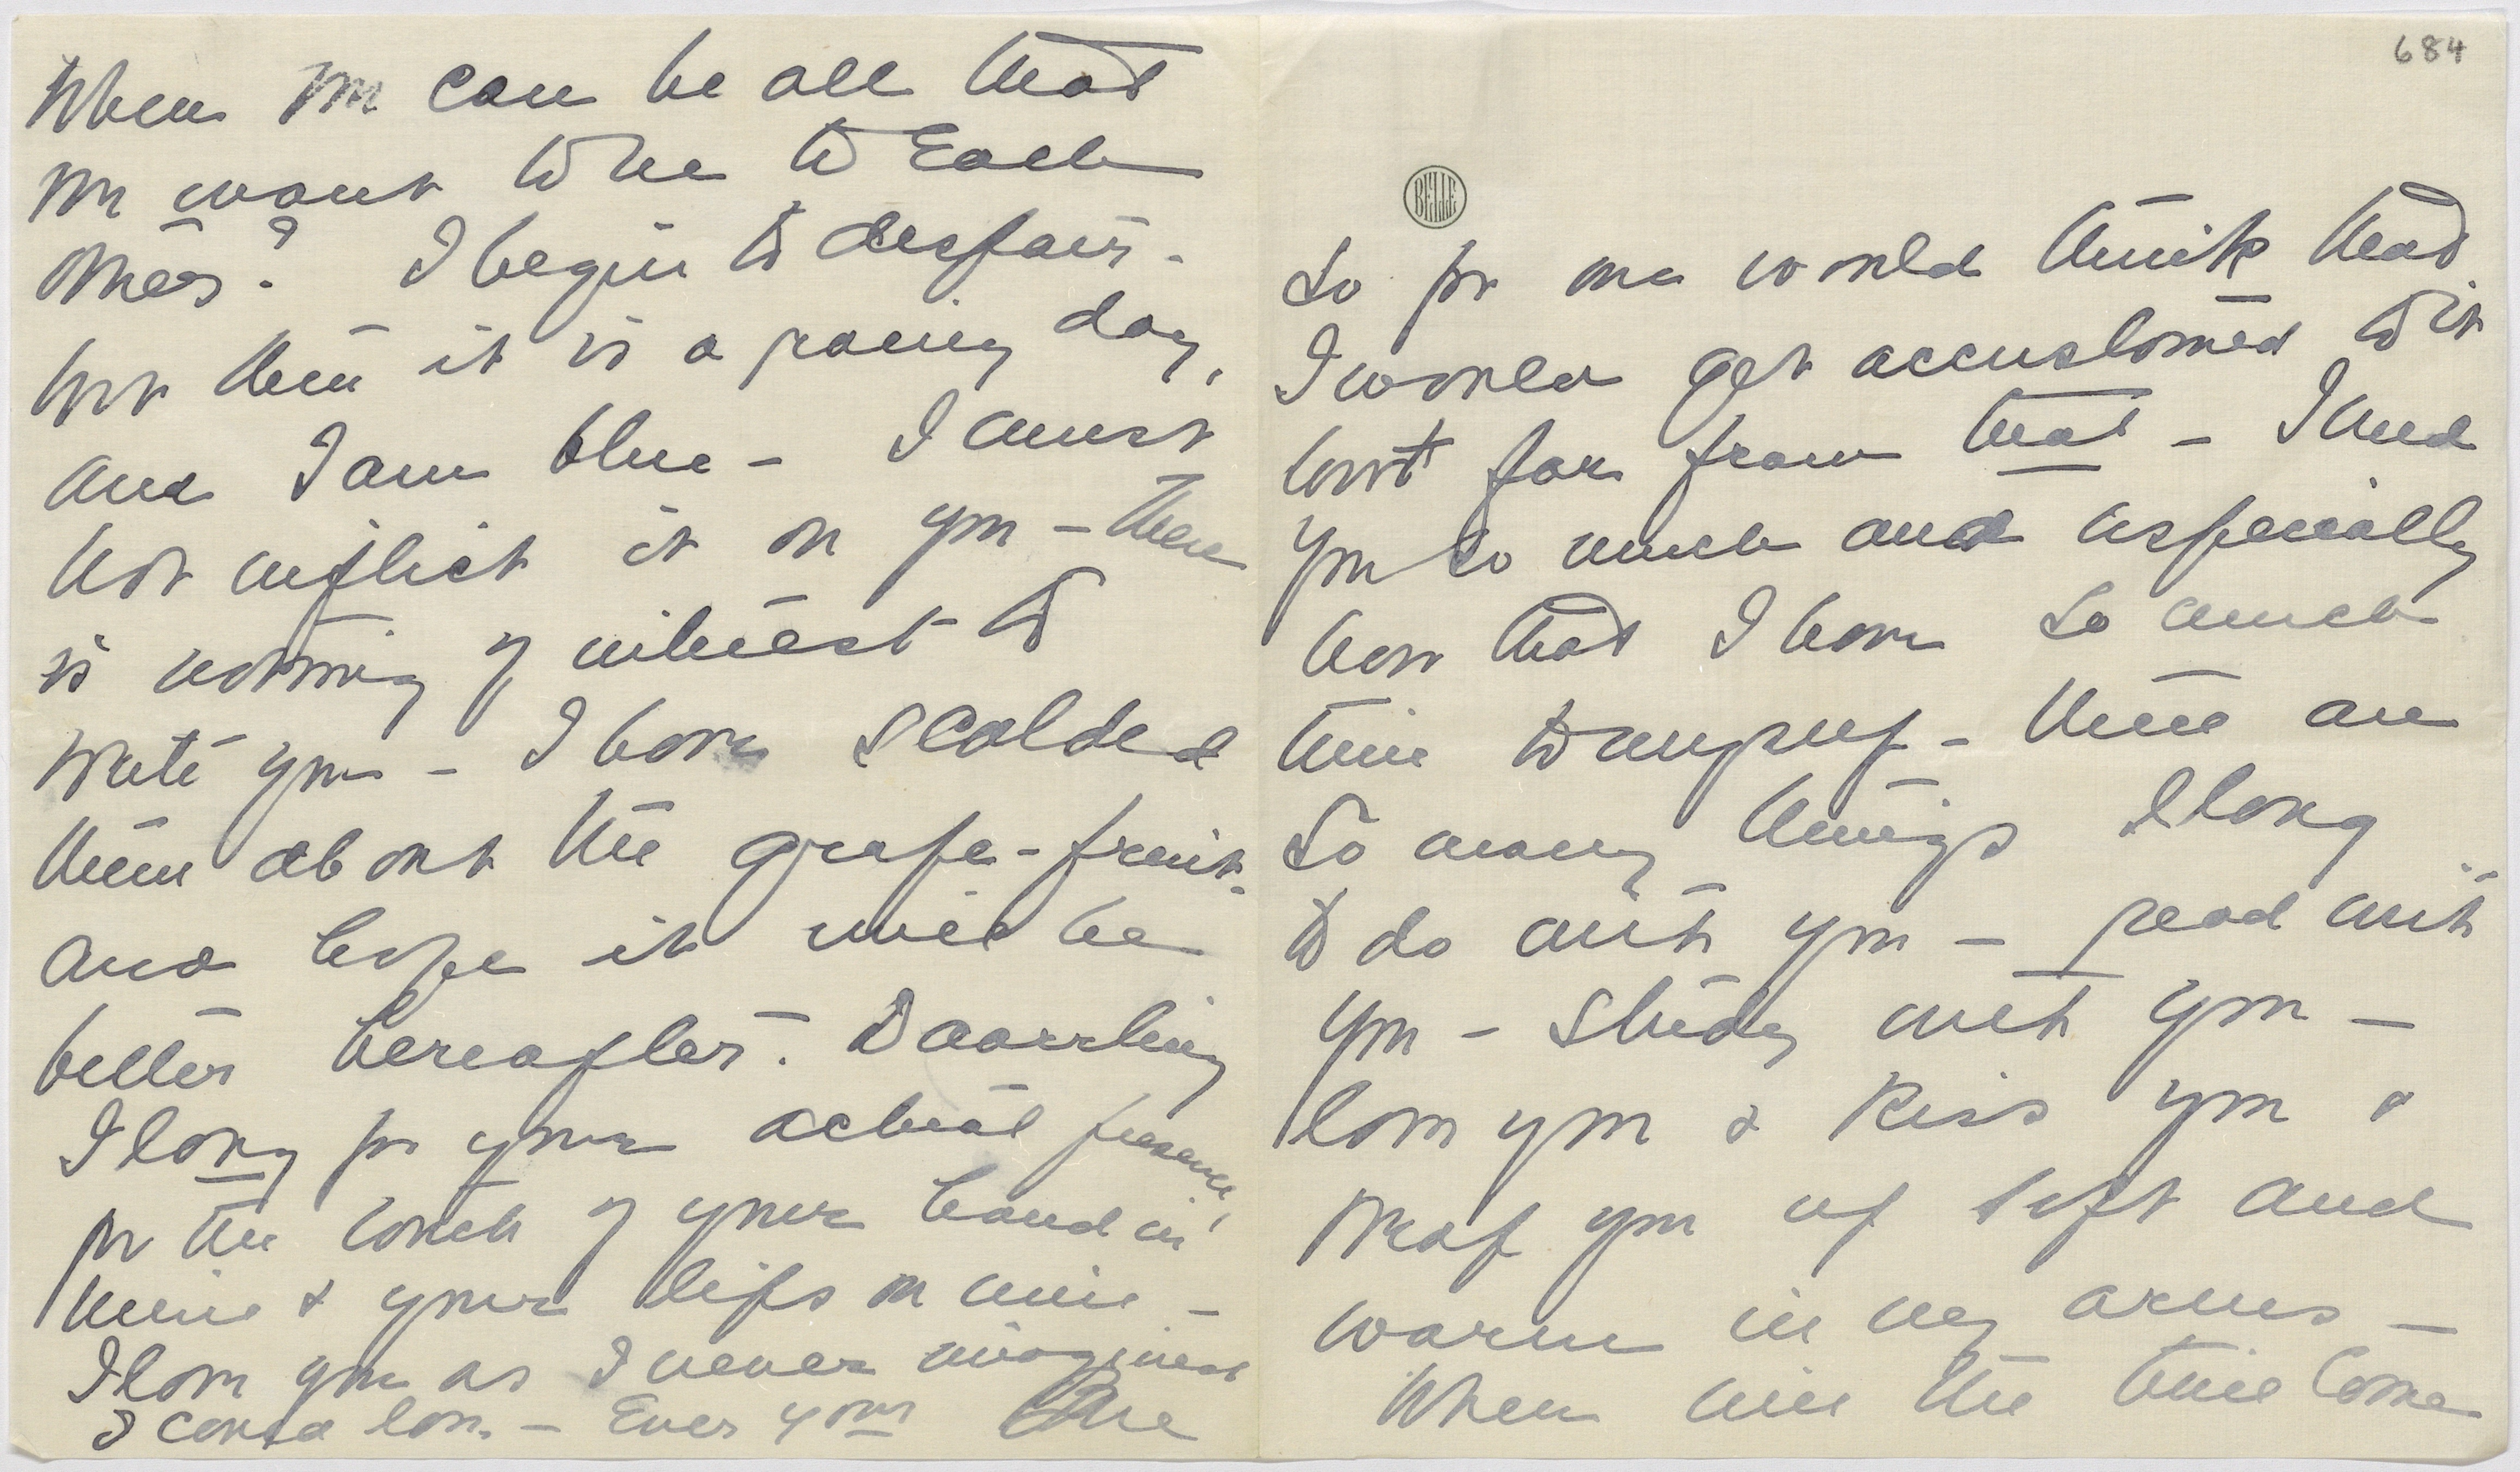so for one would think that I would get accustomed to it but far from that – I need you so much and especially now that I have so much time to myself – there are so many things I long to do with you – read with you – study with you – love you & kiss you & wrap you up soft and warm in my arms –
When will the time come
when we can be all that we want to be to each other? I begin to despair but then it is a rainy day, and I am blue – I must not inflict it on you – There is nothing of interest to write you – I have scolded them about the grape-fruit – and hope it will be better hereafter. Daarrling I long for your actual presence, for the touch of your hand in mine & your lips on mine – I love you as I never imagined I could love – Ever your Belle